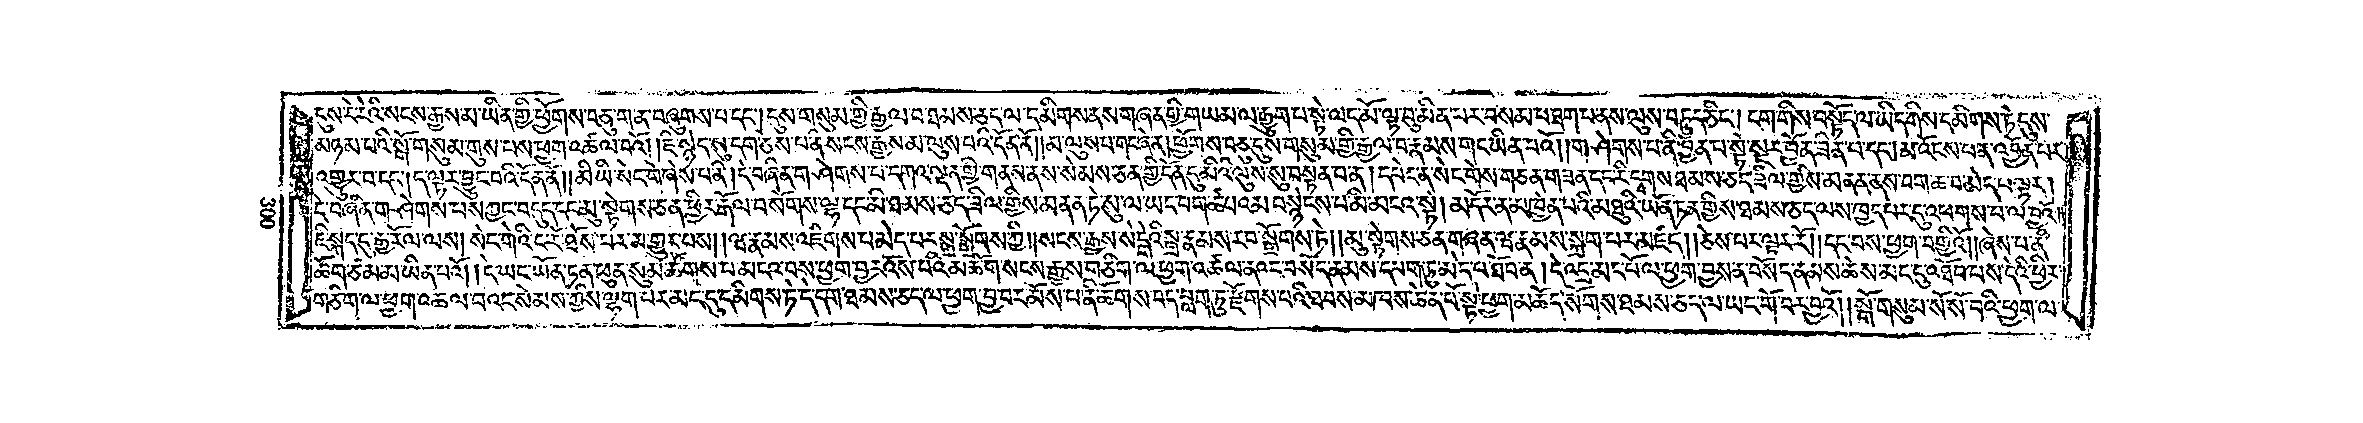དུས་རེ་རེའི་སངས་རྒྱས་མ་ཡིན་གྱི་ཕྱོགས་བཅུ་ག་ན་བཞུགས་པ་དང་། དུས་གསུམ་གྱི་རྒྱལ་བ་ཐམས་ཅད་ལ་དམིགས་ནས་གཞན་གྱི་གཡམ་ལ་རྒྱུག་པ་སྟེ་ལད་མོ་ལྟ་བུ་མིན་པར་བསམ་པ་ཐག་པ་ནས་ལུས་བཏུད་ཅིང་། ངག་གིས་བསྟོད་ལ་ཡིད་གིས་དམིགས་ཏེ་དུས་
མཉམ་པའི་སྒོ་གསུམ་གུས་པས་ཕྱག་འཚལ་བའོ། །ཇི་སྙེད་སུ་དག་ཅེས་པ་ནི་སངས་རྒྱས་མ་ལུས་པའི་དོན་ནོ། །མ་ལུས་པ་གང་ཞེ་ན། ཕྱོགས་བཅུ་དུས་གསུམ་གྱི་རྒྱལ་བ་རྣམས་གང་ཡིན་པའོ། །གཤེགས་པ་ནི་བྱོན་པ་སྟེ་སྔར་བྱོན་ཟིན་པ་དང་། མ་འོངས་པ་ན་འབྱོན་པར་
འགྱུར་བ་དང་། ད་ལྟར་བྱུང་བའི་དོན་ནོ། །མི་ཡི་སེང་གེ་ཞེས་པ་ནི། དེ་བཞིན་གཤེགས་པ་དགའ་ལྡན་གྱི་གནས་ནས་སེམས་ཅན་གྱི་དོན་དུ་མིའི་ལུས་སུ་བསྟན་པ་ན། དཔེར་ན་སེང་གེས་གཅན་གཟན་དང་རི་དྭགས་ཐམས་ཅད་ཟིལ་གྱིས་མནན་ནས་བག་ཆག་མེད་པ་ལྟར།
དེ་བཞིན་གཤེགས་པས་ཀྱང་བདུད་དང་མུ་སྟེགས་ཅན་ཕྱིར་རྒོལ་བ་སོགས་ལྷ་དང་མི་ཐམས་ཅད་ཟིལ་གྱིས་མནན་ཏེ་སུ་ལ་ཡང་པག་ཚ་པའམ་བསྙེངས་པ་མི་མངའ་སྟེ། མདོར་ན་མཁྱེན་པའི་མཐུའི་ཡོན་ཏན་གྱིས་ཐམས་ཅད་ལས་ཁྱད་པར་དུ་འཕགས་པ་ལ་བྱའོ། །
ཇི་སྐད་དུ་རྒྱ་རོལ་ལས། སེང་གེའི་ང་རོ་ཐོས་པར་མ་གྱུར་པས། །ཝ་རྣམས་འཇིགས་པ་མེད་པར་སྒྲ་སྒྲོགས་ཀྱི། །སངས་རྒྱས་སེངྒེའི་སྒྲ་རྣམས་རབ་སྒྲོགས་ཏེ། །མུ་སྟེགས་ཅན་གཞན་ཝ་རྣམས་སྐྲག་པར་མཛད། །ཅེས་པར་ལྟར་རོ། །དང་བས་ཕྱག་བགྱིའོ། །ཞེས་པ་ནི་
ཆོག་ཙམ་མ་ཡིན་པའོ། །དེ་ཡང་ཡོན་ཏན་ཕུན་སུམ་ཚོགས་པ་མངའ་བས་ཕྱག་བྱར་འོས་པའི་མཆོག་སངས་རྒྱས་གཅིག་ལ་ཕྱག་འཚལ་ནའང་བསོད་ནམས་དཔག་ཏུ་མེད་པ་ཐོབ་ན། དེ་འདྲ་མང་པོ་ལ་ཕྱག་བྱས་ན་བསོད་ནམས་ཆེས་མང་དུ་འཐོབ་པས་དེའི་ཕྱིར་
གཅིག་ལ་ཕྱག་འཚལ་བའང་སེམས་ཀྱིས་ལྷག་པར་མང་དུ་དམིགས་ཏེ་དེ་དག་ཐམས་ཅད་ལ་ཕྱག་བྱ་བར་མོས་པ་ནི་ཚོགས་བདེ་བླག་ཏུ་.རྫོགས་པའི་ཐབས་མཁས་ཆེན་པོ་སྟེ་ཕྱག་མཆོད་སོགས་ཐམས་ཅད་ལ་ཡང་གོ་བར་བྱའོ། །སྒོ་གསུམ་སོ་སོ་བའི་ཕྱག་ལ་ྱ